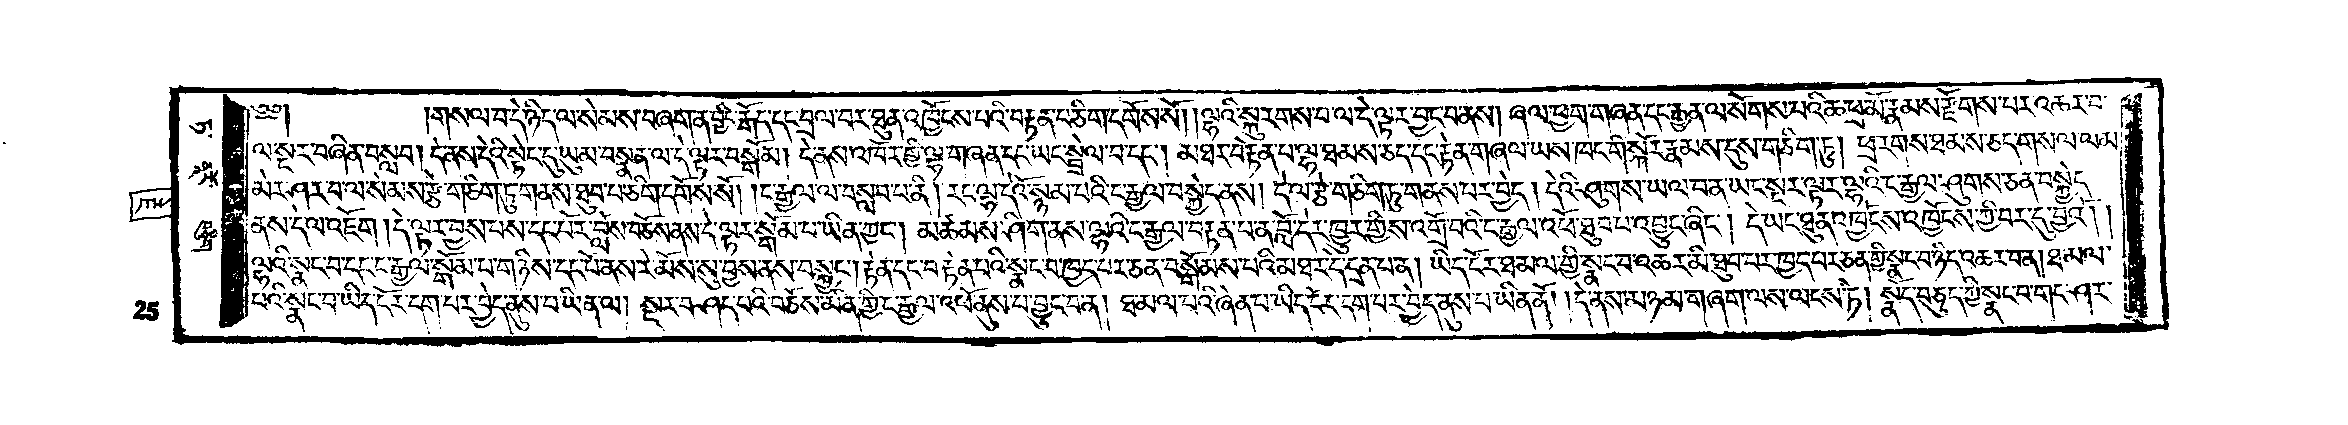༄༅། །གསལ་བ་དེ་ཉིད་ལ་སེམས་བཞག་ན་བྱིང་རྒོད་དང་བྲལ་བར་ཐུན་འཁྱོངས་པའི་བརྟན་པ་ཅིག་དགོས་སོ། །ལྷའི་སྐུ་རགས་པ་ལ་དེ་ལྟར་བྱང་བ་ནས། ཞལ་ཕྱག་གཞན་དང་རྒྱན་ལ་སོགས་པའི་ཆ་ཕྲ་མོ་རྣམས་རྫོགས་པར་འཆར་བ་
ལ་སྔར་བཞིན་བསླབ། དེ་ནས་དེའི་སྟེང་དུ་ཡུམ་བསྣན་ལ་དེ་ལྟར་བསྒོམ། དེ་ནས་འཁོར་གྱི་ལྷ་གཞན་དང་ཡང་སྤྲེལ་བ་དང་། མཐར་བརྟེན་པ་ལྷ་ཐམས་ཅད་དང་རྟེན་གཞལ་ཡས་ཁང་གི་སྐོར་རྣམས་དུས་གཅིག་ཏུ། ཕྲ་རགས་ཐམས་ཅད་གསལ་ལམ་
མེར་ཤར་བ་ལ་སེམས་རྩེ་གཅིག་ཏུ་གནས་ཐུབ་པ་ཅིག་དགོས་སོ། །ང་རྒྱལ་ལ་བསླབ་པ་ནི། རང་ལྷ་དེའོ་སྙམ་པའི་ང་རྒྱལ་བསྐྱེད་ནས། དེ་ལ་རྩེ་གཅིག་ཏུ་གནས་པར་བྱེད། དེའི་ཤུགས་ཡལ་བ་ན་ཡང་སྔར་ལྟར་ལྷའི་ང་རྒྱལ་ཤུགས་ཅན་བསྐྱེད་
ནས་དེ་ལ་འཇོག །དེ་ལྟར་བྱས་པས་དང་པོར་བློས་བཅོས་ནས་དེ་ལྟར་སྒོམ་པ་ཡིན་ཀྱང་། མཚམས་ཤིག་ནས་ལྷའི་ང་རྒྱལ་བརྟན་པ་ན་བློ་དེར་ཁྱུར་གྱིས་འགྲོ་བའི་ང་རྒྱལ་འཕོ་ཐུབ་པ་འབྱུང་ཞིང་། དེ་ཡང་ཐུན་འཁྱོངས་འཁྱོངས་ཀྱི་བར་དུ་བྱའོ། །
ལྷའི་སྣང་བ་དང་ང་རྒྱལ་སྒོམ་པ་གཉིས་དང་པོ་ནས་རེ་མོས་སུ་བྱས་ནས་བསྐྱང་། རྟེན་དང་བརྟེན་པའི་སྣང་བ་ཁྱད་པར་ཅན་བསྒོམས་པའི་མཐར་དེ་དྲན་པ་ན། ཡིད་ངོར་ཐ་མལ་གྱི་སྣང་བ་འཆར་མི་ཐུབ་པར་ཁྱད་པར་ཅན་གྱི་སྣང་བ་ཉིད་འཆར་བ་ན། ཐ་མལ་
པའི་སྣང་བ་ཡིད་ངོར་དག་པར་བྱེད་ནུས་པ་ཡིན་ལ། སྔར་བཤད་པའི་བཅོས་མིན་གྱི་ང་རྒྱལ་འཕོ་ནུས་པ་བྱུང་བ་ན། ཐ་མལ་པའི་ཞེན་པ་ཡིད་ངོར་དག་པར་བྱེད་ནུས་པ་ཡིན་ནོ། །དེ་ནས་མཉམ་གཞག་ལས་ལངས་ཏེ། སྣོད་བཅུད་ཀྱི་སྣང་བ་གང་ཤར་